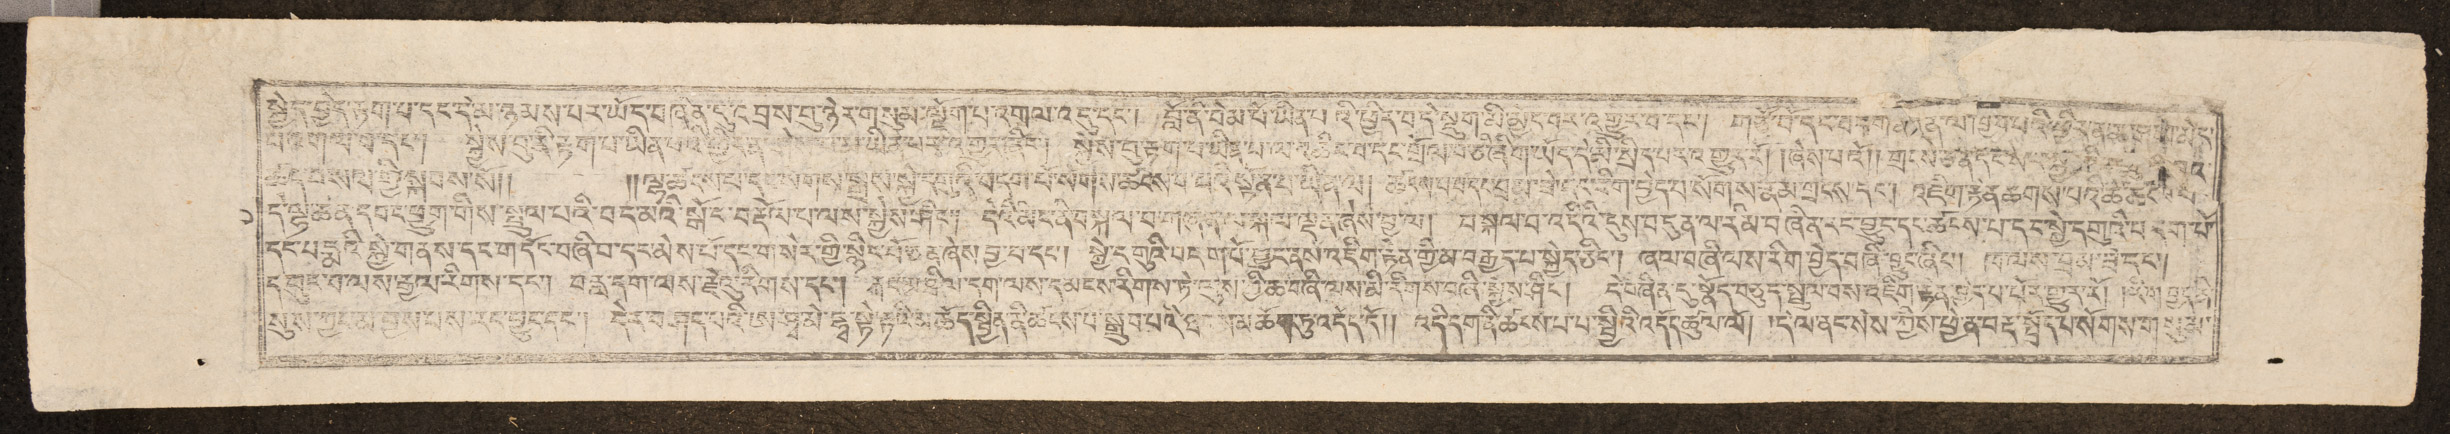སྐྱེད་བྱེད་རྟག་པ་དང་དེ་མ་ཉམས་པར་ཡོད་བཞིན་དུ་འབྲས་བུ་ཉེར་གསུམ་ལྡོག་པ་འགལ་འདུ་དང་། བློ་ནི་བེམ་པོ་ཡིན་པའི་ཕྱིར་བདེ་སྡུག་མི་མྱོང་བར་འགྱུར་བ་དང་། གཙོ་བོ་དང་བདག་ནི་ཀུན་ལ་ཁྱབ་པའི་ཕྱིར་ན་ཆ་ཤས་མེད་
པ་འགལ་བ་དང་། སྐྱེས་བུ་ནི་རྟག་པ་ཡིན་པའི་ཕྱིར་ན་ཤེས་པ་མ་ཡིན་པར་འགྱུར་ཞིང་། སྐྱེས་བུ་རྟག་པ་ཡིན་པ་ལ་འཆིང་བ་དང་གྲོལ་བ་ཅི་ཞིག་ཡོད་དེ་མི་སྲིད་པར་འགྱུར་རོ། །ཞེས་པའོ། །གྲངས་ཅན་དང་སེར་སྐྱ་བའི་གྲུབ་མཐའ་
ཚད་བསལ་གྱི་སྐབས་སོ།། །།ལྷ་ཚངས་པ་དང་སོགས་སྒྲས་སྐྱེ་དགུའི་བདག་པོ་སོགས་ཚངས་པ་པའི་སྟོན་པ་ཡིན་ལ། ཚངས་པ་པ་དང་བྲམ་ཟེ་དང་རིག་བྱེད་པ་སོགས་རྣམ་གྲངས་དང་། འཇིག་རྟེན་ཆགས་པའི་ཚེ་ཚངས་པ་
དེ་ལྷ་ཆེན་དབང་ཕྱུག་གིས་སྤྲུལ་པའི་བད་མའི་སྒོ་ང་བརྡོལ་པ་ལས་སྐྱེས་ཤིང་། དེའི་མིང་ནི་བསྐལ་བ་གཞན་ལ་སྐལ་ལྡན་ཞེས་བྱ་ལ། བསྐལ་བ་འདིའི་དུས་བདུན་ལ་རིམ་བཞིན་རང་བྱུང་དང་ཚངས་པ་དང་སྐྱེ་དགུའི་བདག་པོ་
དང་པདམའི་སྐྱེ་གནས་དང་གདོང་བཞི་བ་དང་མེས་པོ་དང་གསེར་གྱི་སྙིང་པོ་ཅན་ཞེས་བྱ་བ་དང་། སྐྱེ་དགུའི་བདག་པོ་བྱུང་ནས་འཇིག་རྟེན་གྱི་མ་བརྒྱད་པ་སྐྱེད་ཅིང་། ཞལ་བཞི་ལས་རིག་བྱེད་བཞི་བྱུང་ཞིང་། ཁ་ལས་བྲམ་ཟེ་དང་།
དབུང་བ་ལས་རྒྱལ་རིགས་དང་། བརླ་དག་ལས་རྗེའུ་རིགས་དང་། རྐང་མཐིལ་དག་ལས་དམངས་རིགས་ཏེ་ལུས་ཀྱི་ཆ་བཞི་ལས་མི་རིགས་བཞི་སྐྱེས་ཤིང་། དེ་བཞིན་དུ་སྣོད་བཅུད་སྤྲུལ་བས་འཇིག་རྟེན་བྱེད་པ་པོར་གྱུར་རོ། །རིག་བྱེད་ནི་
སུས་ཀྱང་མ་བྱས་པས་རང་བྱུང་དང་། དེར་བཤད་པའི་ཨ་ཤྭ་མེ་དྷྭ་སྟེ་རྟའི་མཆོད་སྦྱིན་ནི་ཚངས་པ་སྒྲུབ་པའི་ཐབས་མཆོག་ཏུ་འདོད་དོ།། འདི་དག་ནི་ཚངས་པ་པ་སྤྱིའི་འདོད་ཚུལ་ལོ། །དེ་ལ་ནང་ཤེས་ཀྱིས་ཕྱེ་ན་བརྡ་སྤྲོད་པ་སོགས་གསུམ་